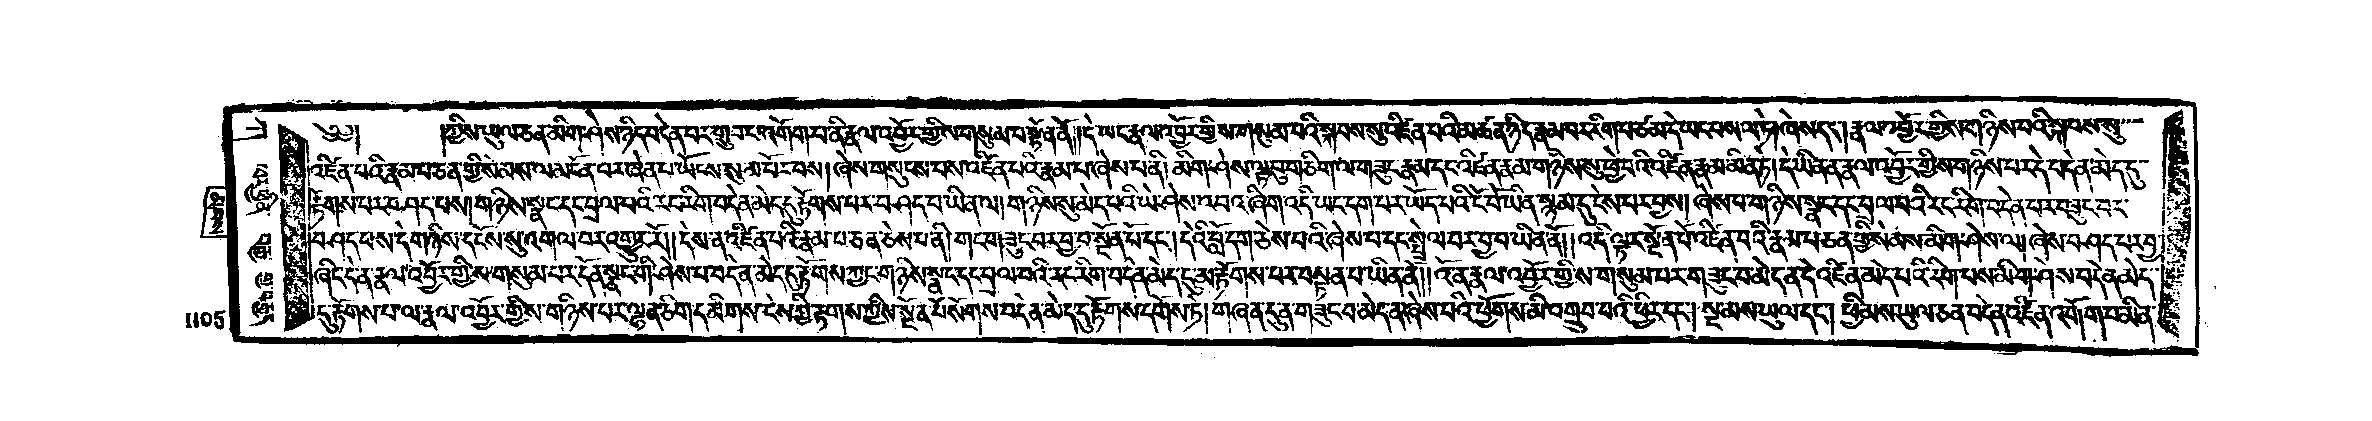༄༅། །ཀྱིས་ཡུལ་ཅན་མིག་ཤེས་ཉིད་བདེན་པར་གྲུབ་པ་འགོག་པ་ནི་རྣལ་འབྱོར་གྱི་ས་གསུམ་པ་སྟོན་ནོ། །དེ་ཡང་རྣལ་འབྱོར་གྱིས་གསུམ་པའི་སྐབས་སུ་འཛིན་པའི་མཚན་ཉིད་རྣམ་པར་རིག་པ་ཙམ་དེ་ཡང་བསལ་ཏེ། ཞེས་དང་། རྣལ་འབྱོར་གྱིས་གཉིས་པའི་སྐབས་སུ་
འཛིན་པའི་རྣམ་པ་ཅན་གྱི་སེམས་ལ་མངོན་པར་ཞེན་པ་ཡོངས་སུ་མ་བོར་བས། ཞེས་གསུངས་པས་འཛིན་པའི་རྣམ་པ་ཞེས་པ་ནི། མིག་ཤེས་ལྟ་བུ་གཅིག་ལ་གཟུང་རྣམ་དང་འཛིན་རྣམ་གཉིས་སུ་ཕྱེ་བའི་འཛིན་རྣམ་མིན་ཏེ། དེ་ཡིན་ན་རྣལ་འབྱོར་གྱིས་གཉིས་པར་དེ་བདེན་མེད་དུ་
རྟོགས་པར་བཤད་པས། གཉིས་སྣང་དང་བྲལ་པའི་རང་རིག་བདེན་མེད་དུ་རྟོགས་པར་བཤད་པ་ཡིན་ལ། གཉིས་སུ་མེད་པའི་ཡེ་ཤེས་འབའ་ཞིག་འདི་ཡང་དག་པར་ཡོད་པའི་ངོ་བོ་ཡིན་སྙམ་དུ་ངེས་པར་བྱས། ཞེས་པ་གཉིས་སྣང་དང་བྲལ་བའི་རང་རིག་བདེན་པར་བཟུང་བར་
བཤད་པས་དེ་གཉིས་དངོས་སུ་འགལ་བར་འགྱུར་རོ། །དེས་ན་འཛིན་པའི་རྣམ་པ་ཅན་ཅེས་པ་ནི། གང་གཟུང་བར་བྱ་བ་སྔོན་པོ་དང་། དེའི་བློ་དག་ཅེས་པའི་ཞེས་པ་དང་སྤྲེལ་བར་བྱ་བ་ཡིན་ནོ། །འདི་ལྟར་སྔོན་པོ་འཛིན་པའི་རྣམ་པ་ཅན་གྱི་སེམས་མིག་ཤེས་ལ། ཞེས་བཤད་པར་བྱ་
ཞིང་དེ་ན་རྣལ་འབྱོར་གྱི་ས་གསུམ་པར་དོན་སྣང་གི་ཤེས་པ་བདེན་མེད་དུ་རྟོགས་ཀྱང་གཉིས་སྣང་དང་བྲལ་བའི་རང་རིག་བདེན་མེད་དུ་མ་རྟོགས་པར་བསྟན་པ་ཡིན་ནོ། །འོ་ན་རྣལ་འབྱོར་གྱི་ས་གསུམ་པར་གཟུང་བ་མེད་ན་དེ་འཛིན་མེད་པའི་རིག་པས་མིག་ཤེས་བདེན་མེད་
དུ་རྟོགས་པ་ལ་རྣལ་འབྱོར་གྱི་ས་གཉིས་པར་ལྷན་ཅིག་དམིགས་ངེས་ཀྱི་རྟགས་ཀྱིས་སྔོན་པོ་སོགས་བདེན་མེད་དུ་རྟོགས་དགོས་ཏེ། གཞན་དུ་ན་གཟུང་བ་མེད་ན་ཞེས་པའི་ཕྱོགས་མི་འགྲུབ་པའི་ཕྱིར་དང་། སྔ་མས་ཡུལ་དང་། ཕྱི་མས་ཡུལ་ཅན་བདེན་འཛིན་འགོག་པ་མིན་